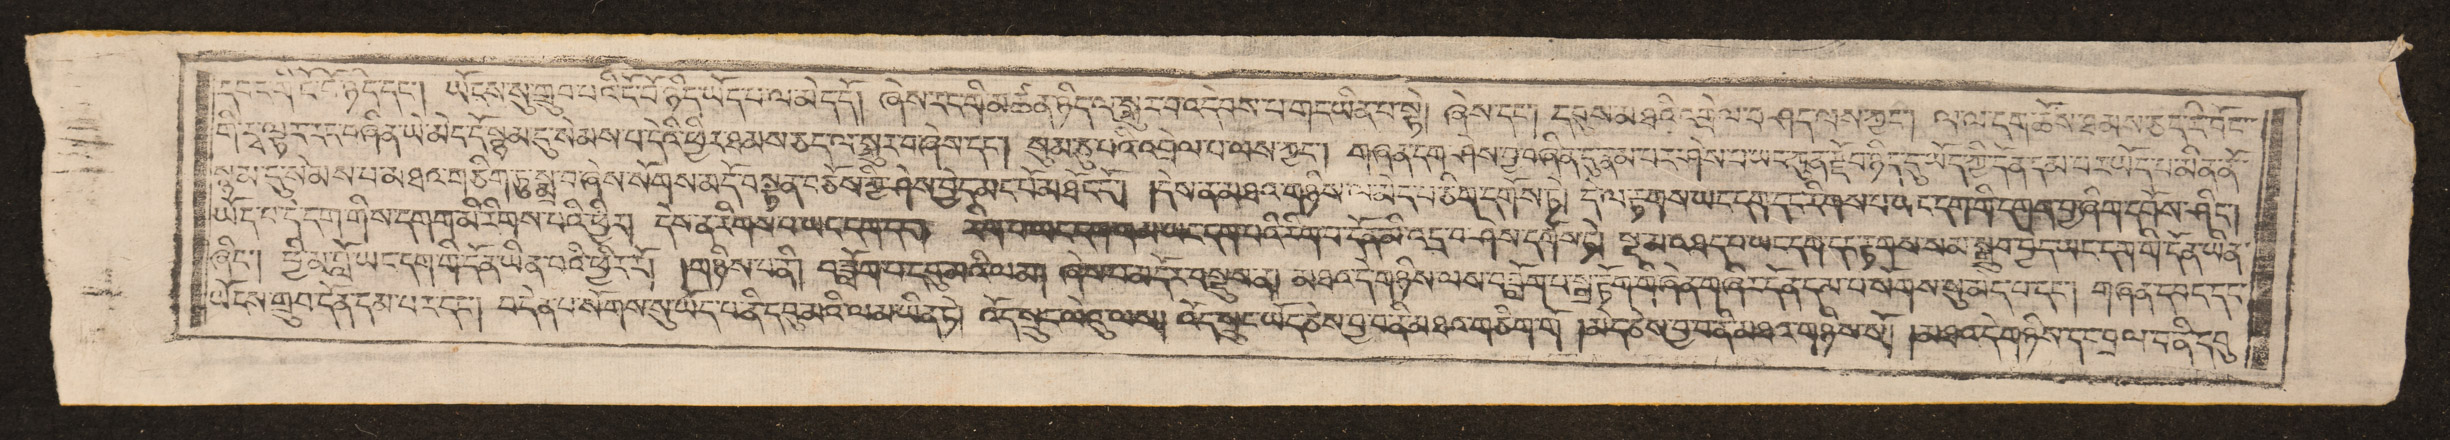དབང་གི་ངོ་བོ་ཉིད་དང་། ཡོངས་སུ་གྲུབ་པའི་ངོ་བོ་ཉིད་ཡོད་པ་ལ་མེད་དོ། ཞེས་རང་གི་མཚན་ཉིད་ལ་སྐུར་བ་འདེབས་པ་གང་ཡིན་པ་སྟེ། ཞེས་དང་། དབུས་མཐའི་འགྲེལ་བཤད་ལས་ཀྱང་། ལ་ལ་དག་ཆོས་ཐམས་ཅད་རི་བོང་
གི་རྭ་ལྟར་རང་བཞིན་ཡེ་མེད་དོ་སྙམ་དུ་སེམས་པ་དེའི་ཕྱིར་ཐམས་ཅད་ལ་སྐུར་བ་ཞེས་དང་། སུམ་ཅུ་པའི་འབྲེལ་བ་ལས་ཀྱང་། གཞན་དག་ཤེས་བྱ་བཞིན་དུ་རྣམ་པར་ཤེས་པ་ཡང་ཀུན་རྫོབ་ཉིད་དུ་ཡོད་ཀྱི་དོན་དམ་པར་ཡོད་པ་མིན་ནོ་
སྙམ་དུ་སེམས་པ་མཐའ་གཅིག་ཏུ་སྨྲ་བ་ཞེས་སོགས་མདོ་བསྟན་བཅོས་ཀྱི་ཤེས་བྱེད་མང་པོ་མཐོང་ངོ། །དེས་ན་མཐའ་གཉིས་ལ་མེད་པ་ཅིག་དགོས་ཏེ། དེ་ལ་རྟགས་ཡང་དག་དང་རིགས་པ་ཡང་དག་གི་དགག་བྱ་ཞིག་དགོས་ཤིང་།
ཡོད་པ་དེ་དག་གིས་དགག་མི་རིགས་པའི་ཕྱིར། དེས་ན་རིགས་པ་ཡང་དག་དང་། རིག་པ་ཡང་དག་གམ་ཡང་དག་པའི་རིག་པ་དོན་མི་འདྲ་བ་ཤེས་དགོས་ཏེ། སྔ་མ་འཐད་པ་ཡང་དག་དང་རྟགས་སམ་སྒྲུབ་བྱེད་ཡང་དག་གི་དོན་ཡིན་
ཞིང་། ཕྱི་མ་བློ་ཡང་དག་གི་དོན་ཡིན་པའི་ཕྱིར་རོ། །གཉིས་པ་ནི། བཟློག་པ་དབུ་མའི་ལམ། ཞེས་པ་མདོར་བསྡུས་ན། མཐའ་དེ་གཉིས་ལས་བཟློག་པ་སྒྲ་རྟོག་གི་ཞེན་གཞིར་དོན་དམ་པ་སོགས་སུ་མེད་པ་དང་། གཞན་དབང་དང་
ཡོངས་གྲུབ་དོན་དམ་པར་དང་། བདེན་པ་སོགས་སུ་ཡོད་པ་ནི་དབུ་མའི་ལམ་ཡིན་ཏེ། འོད་སྲུང་ལེའུ་ལས། འོད་སྲུང་ཡོད་ཅེས་བྱ་བ་ནི་མཐའ་གཅིག་གོ །མེད་ཅེས་བྱ་བ་ནི་མཐའ་གཉིས་སོ། །མཐའ་དེ་གཉིས་དང་བྲལ་བ་ནི་དབུ་